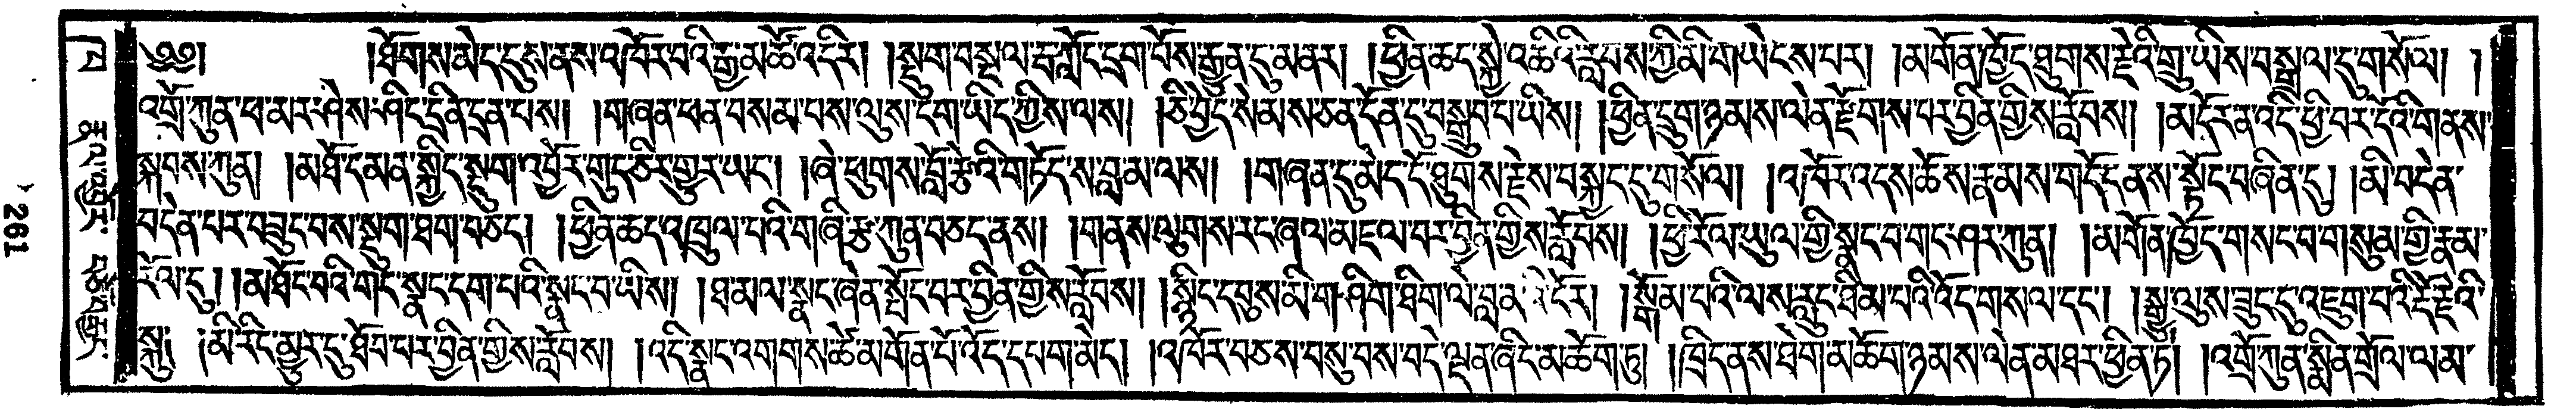༄༅། །ཐོགས་མེད་དུས་ནས་འཁོར་བའི་རྒྱ་མཚོ་འདིར། །སྡུག་བསྔལ་རྦ་ཀློང་དྲག་པོས་རྒྱུན་དུ་མནར། །ཕྱིན་ཆད་སྐྱེ་འཆིའི་རླབས་ཀྱི་མི་གཡེངས་པར། །མགོན་ཁྱོད་ཐུགས་རྗེའི་གྲུ་ཡིས་བསྒྲལ་དུ་གསོལ། །
འགྲོ་ཀུན་ཕ་མར་ཤེས་ཤིང་དྲིན་དྲན་པས། །གཞན་ཕན་བསམ་པས་ལུས་དག་ཡིད་ཀྱིས་ལས། །ཅི་བྱེད་སེམས་ཅན་དོན་དུ་བསྒྲུབ་པ་ཡིས། །ཕྱིན་དྲུག་ཉམས་ལེན་རྫོགས་པར་བྱིན་གྱིས་རློབས། །མདོར་ན་འདི་ཕྱི་བར་དོའི་གནས་
སྐབས་ཀུན། །མཐོ་དམན་སྐྱིད་སྡུག་འབྱོར་གུད་ཅིར་གྱུར་ཡང་། །ཞེ་ཕུགས་བློ་རྩེའི་གཏོད་ས་བླ་མ་ལས། །གཞན་དུ་མེད་དོ་ཐུགས་རྗེས་བསྐྱད་དུ་གསོལ། །འཁོར་འདས་ཆོས་རྣམས་གདོད་ནས་སྟོང་བཞིན་དུ། །མི་བདེན་
བདེན་པར་བཟུང་བས་སྡུག་ཐག་བཅད། །ཕྱིན་ཆད་འཁྲུལ་པའི་གཞི་རྩ་ཀུན་བཅད་ནས། །གནས་ལྕགས་རང་ཞལ་མཇལ་བར་བྱིན་གྱིས་རློབས། །ཕྱི་རོལ་ཡུལ་གྱི་སྣང་བ་གང་ཤར་ཀུན། །མགོན་ཁྱོད་གསང་བ་གསུམ་གྱི་རྣམ་
རོལ་དུ། །མཐོང་བའི་གང་སྣང་དག་པའི་སྣང་བ་ཡིས། །ཐ་མལ་སྣང་ཞེན་སྤོང་བར་བྱིན་གྱིས་རློབས། །སྙིང་དབུས་མི་གཤིག་ཐིག་ལེ་བླ་མའི་ངོར། །སྒོམ་པའི་ལས་རླུང་ཐིམ་པའི་འོད་གསལ་དང་། །སྒྱུ་ལུས་ཟུང་དུ་འཇུག་པའི་རྡོ་རྗེའི་
སྐུ༑ ༑མི་རིང་མྱུར་དུ་ཐོབ་པར་བྱིན་གྱིས་རློབས། །འདི་སྣང་འགགས་ཚེ་མགོན་པོ་འོད་དཔག་མེད། །འཁོར་བཅས་བསུ་བས་བདེ་ལྡན་ཞིང་མཆོག་ཏུ། །ཁྲིད་ནས་ཐེག་མཆོག་ཉམས་ལེན་མཐར་ཕྱིན་ཏེ། །འགྲོ་ཀུན་སྨིན་གྲོལ་ལམ་